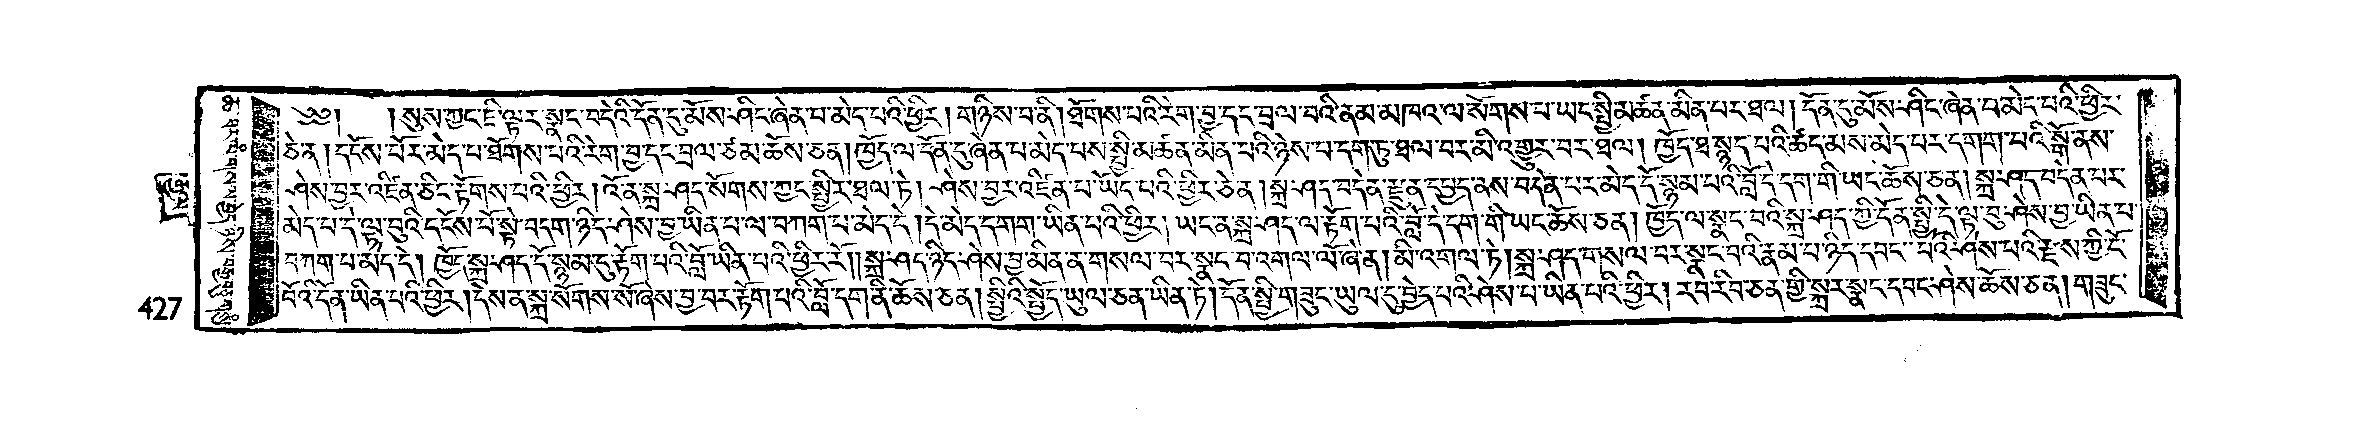༄༅། །སུས་ཀྱང་ཇི་ལྟར་སྣང་བ་དེའི་དོན་དུ་མོས་ཤིང་ཞེན་པ་མེད་པའི་ཕྱིར། གཉིས་པ་ནི། ཐོགས་པའི་རེག་བྱ་དང་བྲལ་བའི་ནམ་མཁའ་ལ་སོགས་པ་ཡང་སྤྱི་མཚན་མིན་པར་ཐལ། དོན་དུ་མོས་ཤིང་ཞེན་པ་མེད་པའི་ཕྱིར་
ཅེ་ན། དངོས་པོར་མེད་པ་ཐོགས་པའི་རེག་བྱ་དང་བྲལ་ཙམ་?་ཆོས་ཅན། ཁྱོད་ལ་དོན་དུ་ཞེན་པ་མེད་པས་སྤྱི་མཚན་མིན་པའི་ཉེས་པ་དག་ཏུ་ཐལ་བར་མི་འགྱུར་བར་ཐལ། ཁྱོད་ཐ་སྙད་པའི་ཚད་མས་མེད་པར་དགག་པའི་སྒོ་ནས་
ཤེས་བྱར་འཛིན་ཅིང་རྟོགས་པའི་ཕྱིར། འོ་ན་སྐྲ་ཤད་སོགས་ཀྱང་སྤྱིར་ཐལ་ཏེ། ཤེས་བྱར་འཛིན་པ་ཡོད་པའི་ཕྱིར་ཅེ་ན། སྐྲ་ཤད་བདེན་རྫུན་དཔྱད་ནས་བདེན་པར་མེད་དོ་སྙམ་པའི་བློ་དེ་དག་གི་ཡང་ཆོས་ཅན། སྐྲ་ཤད་བདེན་པར་
མེད་པ་དེ་ལྟ་བུའི་དངོས་པོ་སྟེ་བདག་ཉིད་ཤེས་བྱ་ཡིན་པ་ལ་བཀག་པ་མེད་དེ། དེ་མེད་དགག་ཡིན་པའི་ཕྱིར། ཡང་ན་སྐྲ་ཤད་ལ་རྟོག་པའི་བློ་དེ་དག་གི་ཡང་ཆོས་ཅན། ཁྱོད་ལ་སྣང་བའི་སྐྲ་ཤད་ཀྱི་དོན་སྤྱི་དེ་ལྟ་བུ་ཤེས་བྱ་ཡིན་པ་
བཀག་པ་མེད་དེ། ཁྱོད་སྐྲ་ཤད་དོ་སྙམ་དུ་རྟོག་པའི་བློ་ཡིན་པའི་ཕྱིར་རོ། །སྐྲ་ཤད་ཉིད་ཤེས་བྱ་མིན་ན་གསལ་བར་སྣང་བ་འགལ་ལོ་ཞེ་ན། མི་འགལ་ཏེ། སྐྲ་ཤད་གསལ་བར་སྣང་བའི་རྣམ་པ་ཉིད་དབང་པོའི་ཤེས་པའི་རྫས་ཀྱི་ངོ་
བོའི་དོན་ཡིན་པའི་ཕྱིར། དེས་ན་སྐྲ་སོགས་སོ་ཞེས་བྱ་བར་རྟོག་པའི་བློ་དག་ནི་ཆོས་ཅན། སྤྱིའི་སྤྱོད་ཡུལ་ཅན་ཡིན་ཏེ། དོན་སྤྱི་གཟུང་ཡུལ་དུ་བྱེད་པའི་ཤེས་པ་ཡིན་པའི་ཕྱིར། རབ་རིབ་ཅན་གྱི་སྐྲར་སྣང་དབང་ཤེས་ཆོས་ཅན། གཟུང་